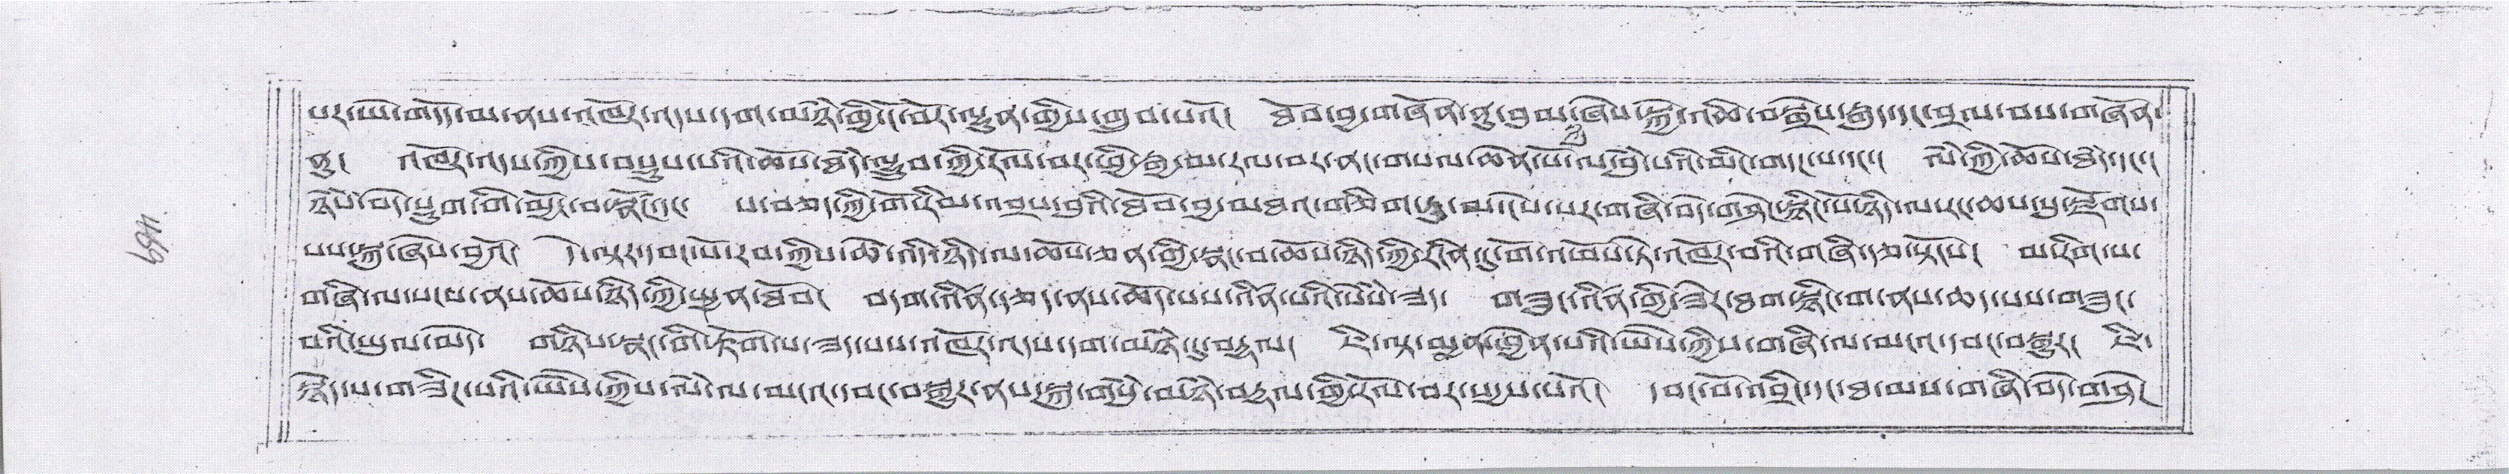པར་ཡེ་གདོད་མ་ནས་འཁོར་འདས་དག་མཉམ་གྱི་ངོ་བོར་ལྷུན་གྱིས་གྲུབ་པའོ། ཐོབ་བྱ་གཞོན་ནུ་བུམ་སྐུ་ཞེས་སྐྱེ་འཆི་བགྲེས་རྒུད་དང་བྲལ་བས་གཞོན་
ནུ། འཁོར་འདས་ཀྱིས་བསྡུས་པའི་ཆོས་ཐམས་ཅད་ལྷུན་གྲུབ་ཀྱི་རོལ་པར་ཕྱི་རྒྱ་མ་རལ་བར་ནང་གསལ་ཆེན་པོའི་སྐུ་ལ་བུམ་པའི་མིང་བཏགས་པ་དང་། ལམ་གྱི་ཆོས་ཐམས་ཅད་དང་
ཉམས་བདེ་སྡུག་གི་མྱོང་བ་སྣ་ཚོིགས་དང་། ས་བཅད་ཀྱི་གོ་རིམ་འབྲས་བུའི་ཐོབ་བྱ་མཐའ་གཅིག་ཏུ་མ་ངེས་པར་གཞི་བདེར་གཤེགས་སྙིང་པོ་ཉིད་ལ་རང་ཆས་སུ་རྫོགས་
པས་སྐུ་ཞེས་བྱའོ། དེ་ལྟར་དབང་པོ་རབ་ཀྱིས་ཚེ་འདི་ཉིད་ལ་ཆོས་ཅན་གྱི་སྣང་བ་ཆོས་ཉིད་ཀྱི་རང་བཞིན་དུ་གོ་འཕོས་ཏེ་འཁོར་བའི་གཞི་རྩ་སྟོངས། མ་རིག་པ་
གཞི་ལ་སངས་ནས་ཆོས་ཉིད་ཀྱི་སྤྱན་ཐོབ། བདག་འཛིན་རྩད་ནས་ཆོད་པས་འཛིན་པའི་སེམས་ཟད། གཟུང་འཛིན་གྱི་ཟེར་ཐག་སྙིང་ག་ནས་ཆད་པས་གཟུང་
བའི་ཡུལ་མེད། གཉིས་སྣང་གི་རྟོག་པ་ཟད་པས་འཁོར་འདས་དག་མཉམ་དུ་བརྡལ། ཇི་ལྟ་བ་མཁྱེན་པའི་ཡེ་ཤེས་ཀྱིས་གཞི་ལ་མངའ་དབང་བསྒྱུར། ཇི་
སྙེད་པ་གཟིགས་པའི་ཡེ་ཤེས་ཀྱིས་ལམ་ལ་མངའ་དབང་བསྒྱུར་ནས་སྐུ་གསུམ་མཉམ་བརྡལ་གྱི་རོལ་པར་སངས་རྒྱས་པའོ། དབང་པོ་འབྲིང་དང་ཐ་མས་གཞི་བདེར་གཤེགས་